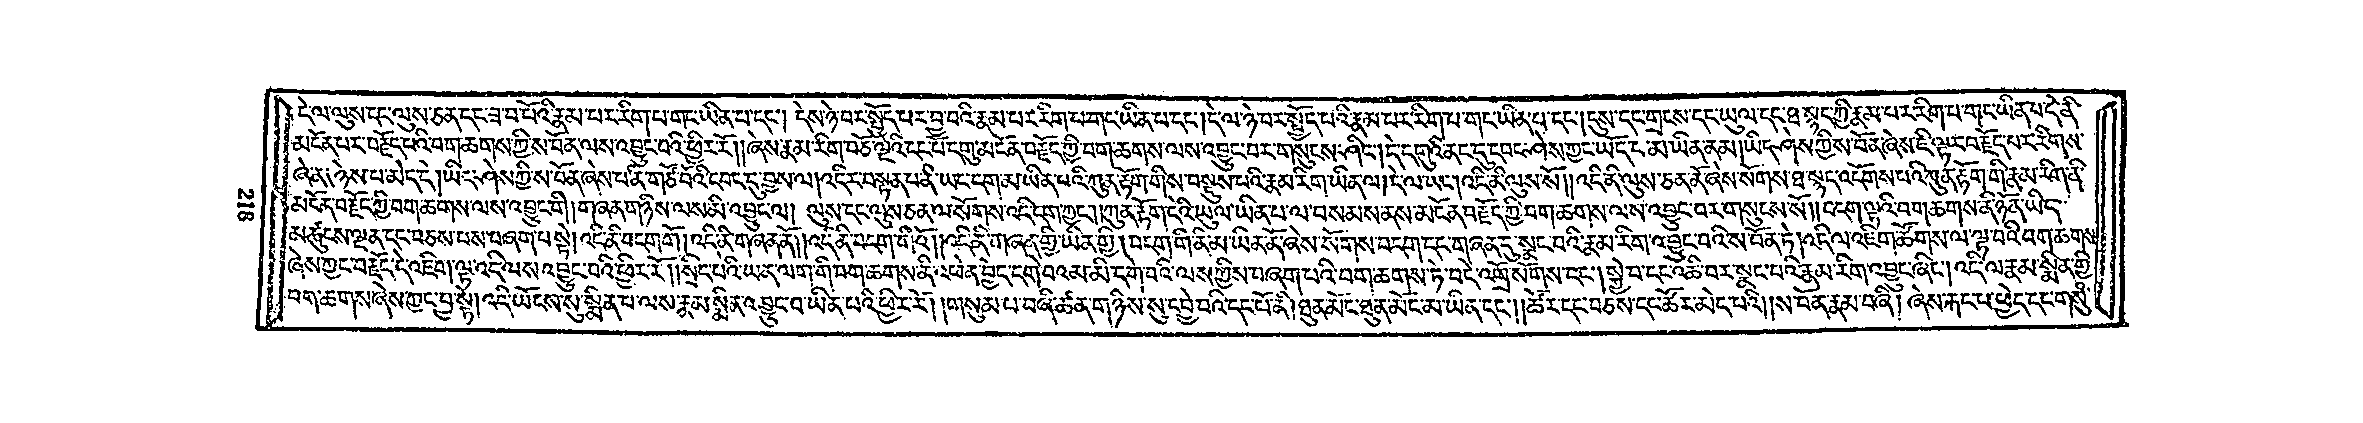དེ་ལ་ལུས་དང་ལུས་ཅན་དང་ཟ་བ་པོའི་རྣམ་པར་རིག་པ་གང་ཡིན་པ་དང་། དེས་ཉེ་བར་སྤྱོད་པར་བྱ་བའི་རྣམ་པར་རིག་པ་གང་ཡིན་པ་དང་། དེ་ལ་ཉེ་བར་སྤྱོད་པའི་རྣམ་པར་རིག་པ་གང་ཡིན་པ་དང་། དུས་དང་གྲངས་དང་ཡུལ་དང་ཐ་སྙད་ཀྱི་རྣམ་པར་རིག་པ་གང་ཡིན་པ་དེ་ནི་
མངོན་པར་བརྗོད་པའི་བག་ཆགས་ཀྱི་ས་བོན་ལས་འབྱུང་བའི་ཕྱིར་རོ། །ཞེས་རྣམ་རིག་བཅོ་ལྔའི་དང་པོ་དགུ་མངོན་བརྗོད་ཀྱི་བག་ཆགས་ལས་འབྱུང་བར་གསུངས་ཤིང་། དེ་དགུའི་ནང་དུ་དབང་ཤེས་ཀྱང་ཡོད་པ་མ་ཡིན་ནམ། ཡིད་ཤེས་ཀྱི་ས་བོན་ཞེས་ཇི་ལྟར་བརྗོད་པར་རིགས་
ཞེ་ན། ཉེས་པ་མེད་དེ། ཡིད་ཤེས་ཀྱི་ས་བོན་ཞེས་པ་ནི་གཙོ་བོའི་དབང་དུ་བྱས་ལ། འདིར་བསྟན་པ་ནི་ཡང་དག་མ་ཡིན་པའི་ཀུན་རྟོག་གིས་བསྡུས་པའི་རྣམ་རིག་ཡིན་ལ། དེ་ལ་ཡང་། འདི་ནི་ལུས་སོ། །འདི་ནི་ལུས་ཅན་ནོ་ཞེས་སོགས་ཐ་སྙད་འདོགས་པའི་ཀུན་རྟོག་གི་རྣམ་རིག་ནི་
མངོན་བརྗོད་ཀྱི་བག་ཆགས་ལས་འབྱུང་གི །གཞན་གཉིས་ལས་མི་འབྱུང་ལ། ལུས་དང་ལུས་ཅན་ལ་སོགས་འདི་དག་ཀྱང་། ཀུན་རྟོག་དེའི་ཡུལ་ཡིན་པ་ལ་བསམས་ནས་མངོན་བརྗོད་ཀྱི་བག་ཆགས་ལས་འབྱུང་བར་གསུངས་སོ། །བདག་ལྟའི་བག་ཆགས་ནི་ཉོན་ཡིད་
མཚུངས་ལྡན་དང་བཅས་པས་བཞག་པ་སྟེ། འདི་ནི་བདག་གོ །འདི་ནི་གཞན་ནོ། །འདི་ནི་བདག་གིའོ། །འདི་ནི་གཞན་གྱི་ཡིན་གྱི། བདག་གི་ནི་མ་ཡིན་ནོ་ཞེས་སོགས་བདག་དང་གཞན་དུ་སྣང་བའི་རྣམ་རིག་འབྱུང་བའི་ས་བོན་ཏེ། འདི་ལ་འཇིག་ཚོགས་ལ་ལྟ་བའི་བག་ཆགས་
ཞེས་ཀྱང་བརྗོད་དེ་འཇིག་ལྟ་འདི་ལས་འབྱུང་བའི་ཕྱིར་རོ། །སྲིད་པའི་ཡན་ལག་གི་བག་ཆགས་ནི་འཕེན་བྱེད་དགེ་བའམ་མི་དགེ་བའི་ལས་ཀྱིས་བཞག་པའི་བག་ཆགས་ཏེ་བདེ་འགྲོ་སོགས་དང་། སྐྱེ་བ་དང་འཆི་བར་སྣང་བའི་རྣམ་རིག་འབྱུང་ཞིང་། འདི་ལ་རྣམ་སྨིན་གྱི་
བག་ཆགས་ཞེས་ཀྱང་བྱ་སྟེ། འདི་ཡོངས་སུ་སྨིན་པ་ལས་རྣམ་སྨིན་འབྱུང་བ་ཡིན་པའི་ཕྱིར་རོ། །གསུམ་པ་བཞི་ཚན་གཉིས་སུ་དབྱེ་བའི་དང་པོ་ནི། ཐུན་མོང་ཐུན་མོང་མ་ཡིན་དང་། །ཚོར་དང་བཅས་དང་ཚོར་མེད་པའི། །ས་བོན་རྣམ་བཞི། ཞེས་རྐང་པ་ཕྱེད་དང་གསུཾ་